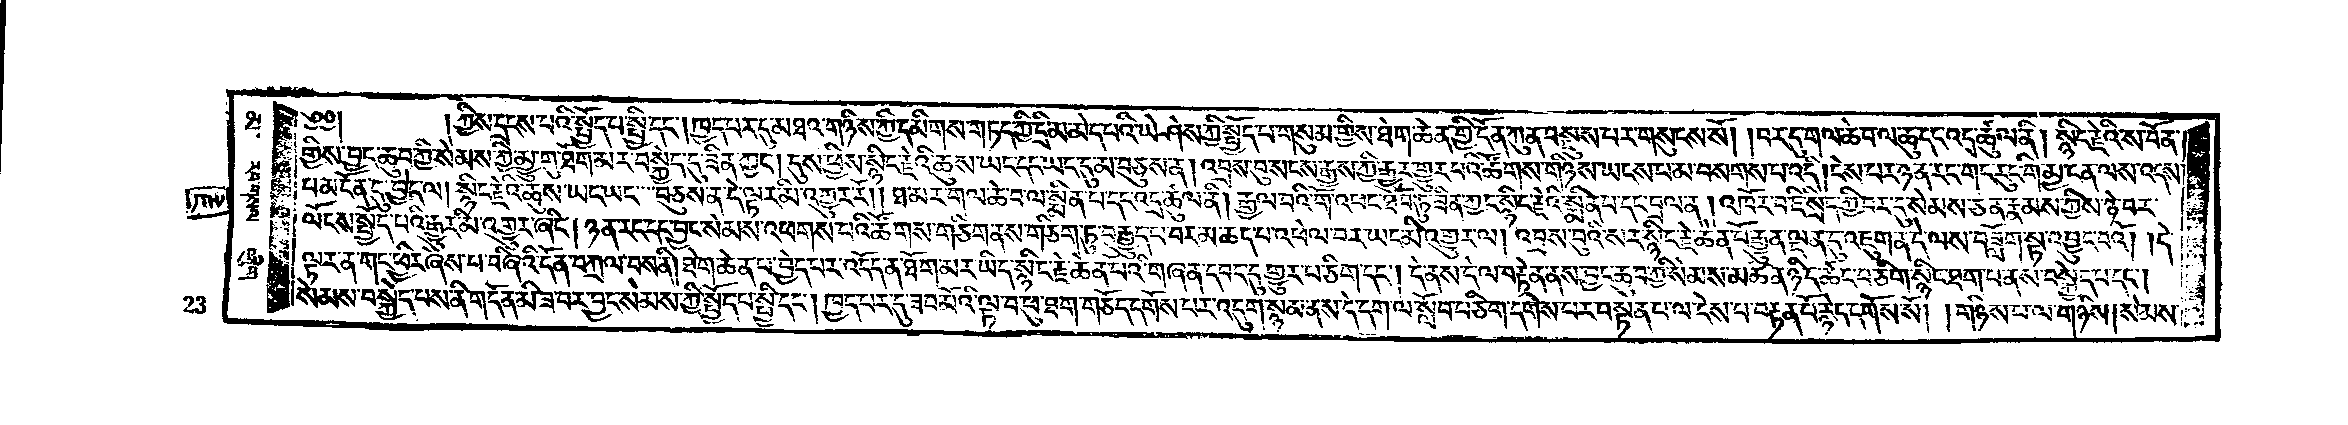༄༅། །ཀྱིས་དྲངས་པའི་སྤྱོད་པ་སྤྱི་དང་། ཁྱད་པར་དུ་མཐའ་གཉིས་ཀྱི་དམིགས་གཏད་ཀྱི་དྲི་མ་མེད་པའི་ཡེ་ཤེས་ཀྱི་སྤྱོད་པ་གསུམ་གྱིས་ཐེག་ཆེན་གྱི་དོན་ཀུན་བསྡུས་པར་གསུངས་སོ། །བར་དུ་གལ་ཆེ་བ་ལ་ཆུ་དང་འདྲ་ཚུལ་ནི། སྙིང་རྗེའི་ས་བོན་
གྱིས་བྱང་ཆུབ་ཀྱི་སེམས་ཀྱི་མྱུ་གུ་ཐོག་མར་བསྐྱེད་དུ་ཟིན་ཀྱང་། དུས་ཕྱིས་སྙིང་རྗེའི་ཆུས་ཡང་དང་ཡང་དུ་མ་བཅུས་ན། འབྲས་བུ་སངས་རྒྱས་ཀྱི་རྒྱུར་གྱུར་པའི་ཚོགས་གཉིས་ཡངས་པ་མ་བསགས་པ་འདི། ངེས་པར་ཉན་རང་གང་རུང་གི་མྱ་ངན་ལས་འདས་
པ་མངོན་དུ་བྱེད་ལ། སྙིང་རྗེའི་ཆུས་ཡང་ཡང་བཅུས་ན་དེ་ལྟར་མི་འགྱུར་རོ། །ཐ་མར་གལ་ཆེ་བ་ལ་སྨིན་པ་དང་འདྲ་ཚུལ་ནི། །རྒྱལ་བའི་གོ་འཕང་ཐོབ་ཏུ་ཟིན་ཀྱང་སྙིང་རྗེའི་སྨིན་པ་དང་བྲལ་ན། འཁོར་བ་ཇི་སྲིད་ཀྱི་བར་དུ་སེམས་ཅན་རྣམས་ཀྱིས་ཉེ་བར་
ལོངས་སྤྱོད་པའི་རྒྱུར་མི་འགྱུར་ཞིང་། ཉན་རང་དང་བྱང་སེམས་འཕགས་པའི་ཚོགས་གཅིག་ནས་གཅིག་ཏུ་བརྒྱུད་པ་བར་མ་ཆད་པ་འཕེལ་བར་ཡང་མི་འགྱུར་ལ། འབྲས་བུའི་སར་སྙིང་རྗེ་ཆེན་པོ་རྒྱུན་ལྡན་དུ་འཇུག་ན་དེ་ལས་བཟློག་སྟེ་འབྱུང་བའོ། །དེ་
ལྟར་ན་གང་ཕྱིར་ཞེས་པ་བཞིའི་དོན་བཀྲལ་བས་ནི། ཐེག་ཆེན་པ་བྱེད་པར་འདོད་ན་ཐོག་མར་ཡིད་སྙིང་རྗེ་ཆེན་པོའི་གཞན་དབང་དུ་གྱུར་པ་ཞིག་དང་། དེ་ནས་དེ་ལ་བརྟེན་ནས་བྱང་ཆུབ་ཀྱི་སེམས་མཚན་ཉིད་ཚང་བ་ཅིག་སྙིང་ཐག་པ་ནས་བསྐྱེད་པ་དང་།
སེམས་བསྐྱེད་པས་ནི་གདོན་མི་ཟ་བར་བྱང་སེམས་ཀྱི་སྤྱོད་པ་སྤྱི་དང་། ཁྱད་པར་དུ་ཟབ་མོའི་ལྟ་བ་ཕུ་ཐག་གཅོད་དགོས་པར་འདུག་སྙམ་ནས་དེ་དག་ལ་སློབ་པ་ཅིག་དགོས་པར་བསྟན་པ་ལ་ངེས་པ་བརྟན་པོ་རྙེད་དགོས་སོ། །གཉིས་པ་ལ་གཉིས། སེམས་